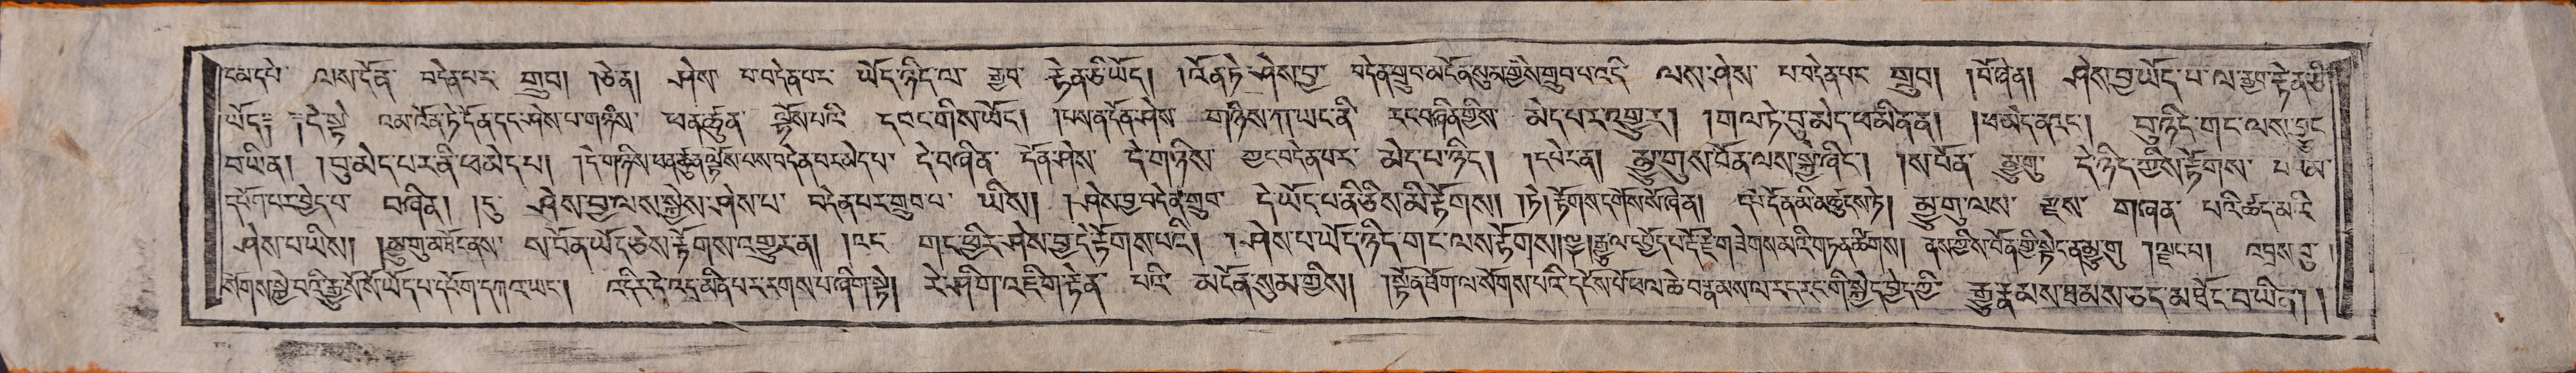དམ་དཔེ་ལས་དོན་བདེན་པར་གྲུབ། །ཅེ་ན།  ཤེས་པ་བདེན་པར་ཡོད་ཉིད་ལ་རྒྱབ་རྟེན་ཅི་ཡོད། །འོན་ཏེ་ཤེས་བྱ་བདེན་གྲུབ་མངོན་སུམ་གྱིས་གྲུབ་པ་འདི་ལས་ཤེས་པ་བདེན་པར་གྲུབ། །བོ་ཞེ་ན།  ཤེས་བྱ་ཡོད་པ་ལ་རྒྱབ་རྟེན་ཅི་
ཡོད། །དེ་སྟེའམ་འོན་ཏེ་དོན་དང་ཤེས་པ་གཉིས་ཕན་ཚུན་ལྟོས་པའི་དབང་གིས་ཡོད། པས་ན་དོན་ཤེས་གཉིས་ཀ་ཡང་ནི་རང་བཞིན་གྱིས་མེད་པར་འགྱུར། །གལ་ཏེ་བུ་མེད་ཕ་མིན་ན། །ཕ་མེད་ནའང་། བུ་ཉིད་གང་ལས་བྱུང་
བ་ཡིན། །བུ་མེད་པར་ནི་ཕ་མེད་པ། །དེ་གཉིས་ཕན་ཚུན་ལྟོས་པས་བདེན་པར་མེད་པ་དེ་བཞིན་དོན་ཤེས་དེ་གཉིས་ཀྱང་བདེན་པར་མེད་པ་ཉིད། །དཔེར་ན།  མྱུ་གུ་ས་བོན་ལས་སྐྱེ་ཞིང་། །ས་བོན་མྱུ་གུ་དེ་ཉིད་ཀྱིས་རྟོགས་པའམ་
དཔོག་པར་བྱེད་པ་བཞིན། །དུ་ཤེས་བྱ་ལས་སྐྱེས་ཤེས་པ་བདེན་པར་གྲུབ་པ་ཡིས། །ཤེས་བྱ་བདེན་གྲུབ་དེ་ཡོད་པ་ནི་ཅིས་མི་རྟོགས། །ཏེ། རྟོགས་དགོས་སོ་ཞེ་ན། དཔེ་དོན་མི་མཚུངས་ཏེ།  མྱུ་གུ་ལས་རྫས་གཞན་པའི་ཚད་མའི་
ཤེས་པ་ཡིས། །མྱུ་གུ་མཐོང་ནས་ས་བོན་ཡོད་ཅེས་རྟོགས་འགྱུར་ན། །འང་གང་ཕྱིར་ཤེས་བྱ་དེ་རྟོགས་པའི། །ཤེས་པ་ཡོད་ཉིད་གང་ལས་རྟོགས། ༈ རྒྱུ་ལ་དཔྱོད་པ་རྡོ་རྗེ་གཟེགས་མའི་གཏན་ཚིགས། ནས་ཀྱི་ས་བོན་གྱི་སྟེང་ན་མྱུ་གུ །ལྗང་བ། འབྲས་བུ་
སོགས་སྐྱེ་པའི་རྒྱུ་སོ་སོ་ཡོད་པ་དཔོག་དཀའ་ཡང་། འདིར་དེ་འདྲ་མིན་པར་རགས་པ་ཞིག་སྟེ། རེ་ཤིག་འཇིག་རྟེན་པའི་མངོན་སུམ་གྱིས། །སྟོན་ཐོག་ལ་སོགས་པའི་དངོས་པོ་ཕལ་ཆོ་བ་རྣམས་ལ་རང་རང་གི་སྐྱེད་བྱེད་ཀྱིས།  རྒྱུ་རྣམས་ཐམས་ཅད་མཐོང་བ་ཡིན།